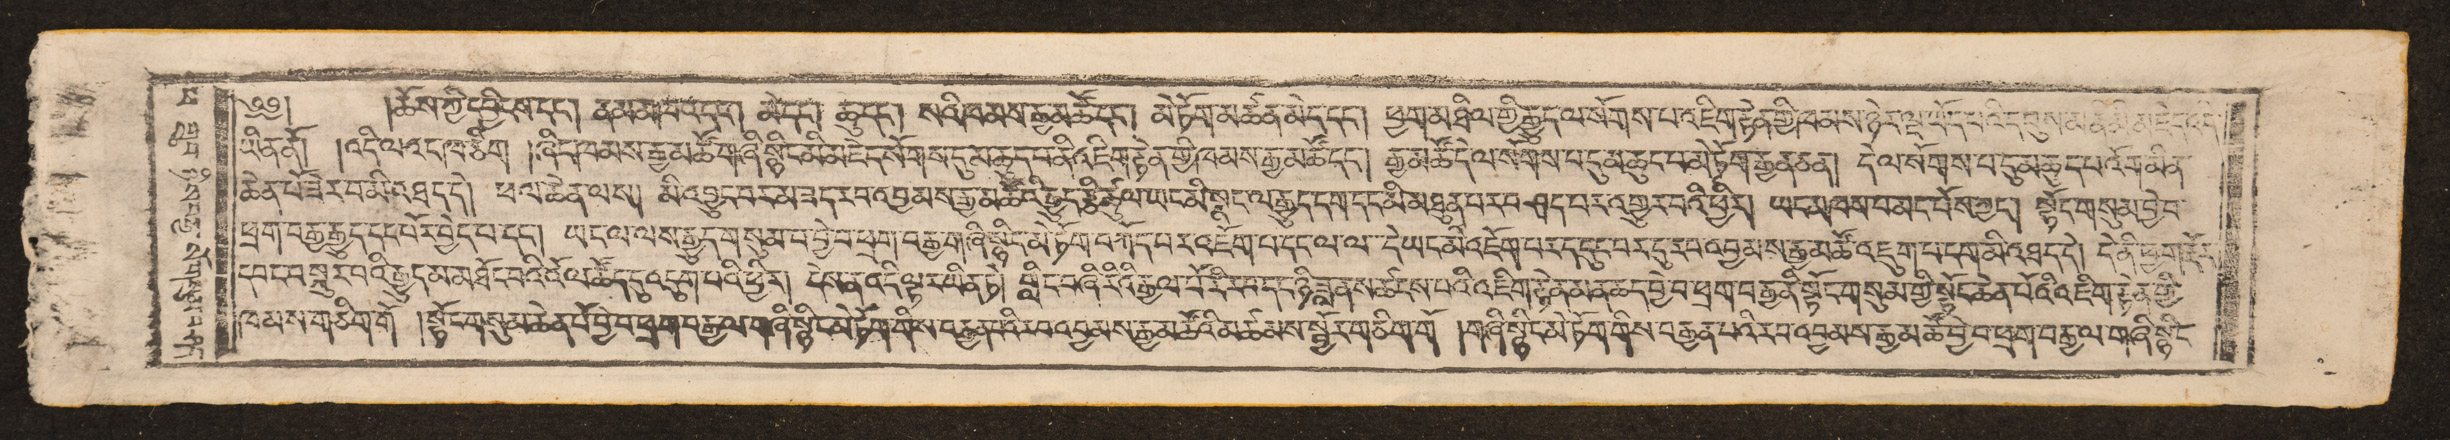༄༅། །ཆོས་ཀྱི་དབྱིངས་དང་། ནམ་མཁའ་དང་། མེ་དང་། ཆུ་དང་། སའི་ཁམས་རྒྱ་མཚོ་དང་། མེ་ཏོག་མཚན་མེད་དང་། ཕྱག་མཐིལ་གྱི་རྒྱུད་ལ་སོགས་པ་འཇིག་རྟེན་གྱི་ཁམས་ཉེར་ལྔ་ཡོད་པའི་དབུས་མ་ནི་མི་མཇེད་འདི་
ཡིན་ནོ། །འདི་ལའང་ཁ་ཅིག །ཞིང་ཁམས་རྒྱ་མཚོ་གཞི་སྙིང་མི་མཇེད་སོགས་དུ་མ་ཆུད་པ་ནི་འཇིག་རྟེན་གྱི་ཁམས་རྒྱ་མཚོ་དང་། རྒྱ་མཚོ་དེ་ལ་སོགས་པ་དུ་མ་ཆུང་པ་མེ་ཏོག་རྒྱན་ཅན། དེ་ལ་སོགས་པ་དུ་མཆུད་པ་འོག་མིན་
ཆེན་པོ་ཟེར་པ་མི་འཐད་དེ། ཕལ་ཆེན་ལས། མི་འབྱུང་བར་མ་ཟད་རབ་འབྱམས་རྒྱ་མཚོའི་རྒྱུད་རྩི་ཚུལ་ཡང་མི་སྣང་ལ་རྒྱུད་དག་དང་མི་མཐུན་པར་བཤད་པར་འགྱུར་པའི་ཕྱིར། ཡང་མཁས་པ་མང་པོས་ཀྱང་། སྟོང་གསུམ་བྱེ་བ་
ཕྲག་བརྒྱ་རྒྱུད་དང་པོར་བྱེད་པ་དང་། ཡང་ལ་ལས་རྒྱུད་གསུམ་པ་བྱེ་བ་ཕྲག་བརྒྱ་གཞི་སྙིང་མེ་ཏོག་བཀོད་པར་འཇོག་པ་དང་ལ་ལ་དེ་ཡང་མི་འཇོག་པར་ད་དུང་བར་དུ་རབ་འབྱམས་རྒྱ་མཚོ་འཇུག་པ་དག་མི་འཐད་དེ། དེ་ནི་ཕྱག་རྡོར་
དབང་བསྐུར་བའི་རྒྱུད་མ་མཐོང་བའི་འོལ་ཚོད་དུ་འདུག་པའི་ཕྱིར། དེས་ན་འདི་ལྟར་ཡིན་ཏེ། གླིང་བཞི་རིའི་རྒྱལ་པོ་རི་རབ་དང་ཉི་ཟླ་ནས་ཚངས་པའི་འཇིག་རྟེན་མན་ཆད་བྱེ་བ་ཕྲག་བརྒྱ་ནི་སྟོང་གསུམ་གྱི་སྟོང་ཆེན་པོའི་འཇིག་རྟེན་གྱི་
ཁམས་གཅིག་གོ །སྟོང་གསུམ་ཆེན་པོ་བྱེ་བ་ཕྲག་བརྒྱ་ལ་གཞི་སྙིང་མེ་ཏོག་གིས་བརྒྱན་པའི་རབ་འབྱམས་རྒྱ་མཚོའི་མཚམས་སྦྱོར་གཅིག་གོ །གཞི་སྙིང་མེ་ཏོག་གིས་བརྒྱན་པའི་རབ་འབྱམས་རྒྱ་མཚོ་བྱེ་བ་ཕྲག་བརྒྱ་ལ་གཞི་སྙིང་